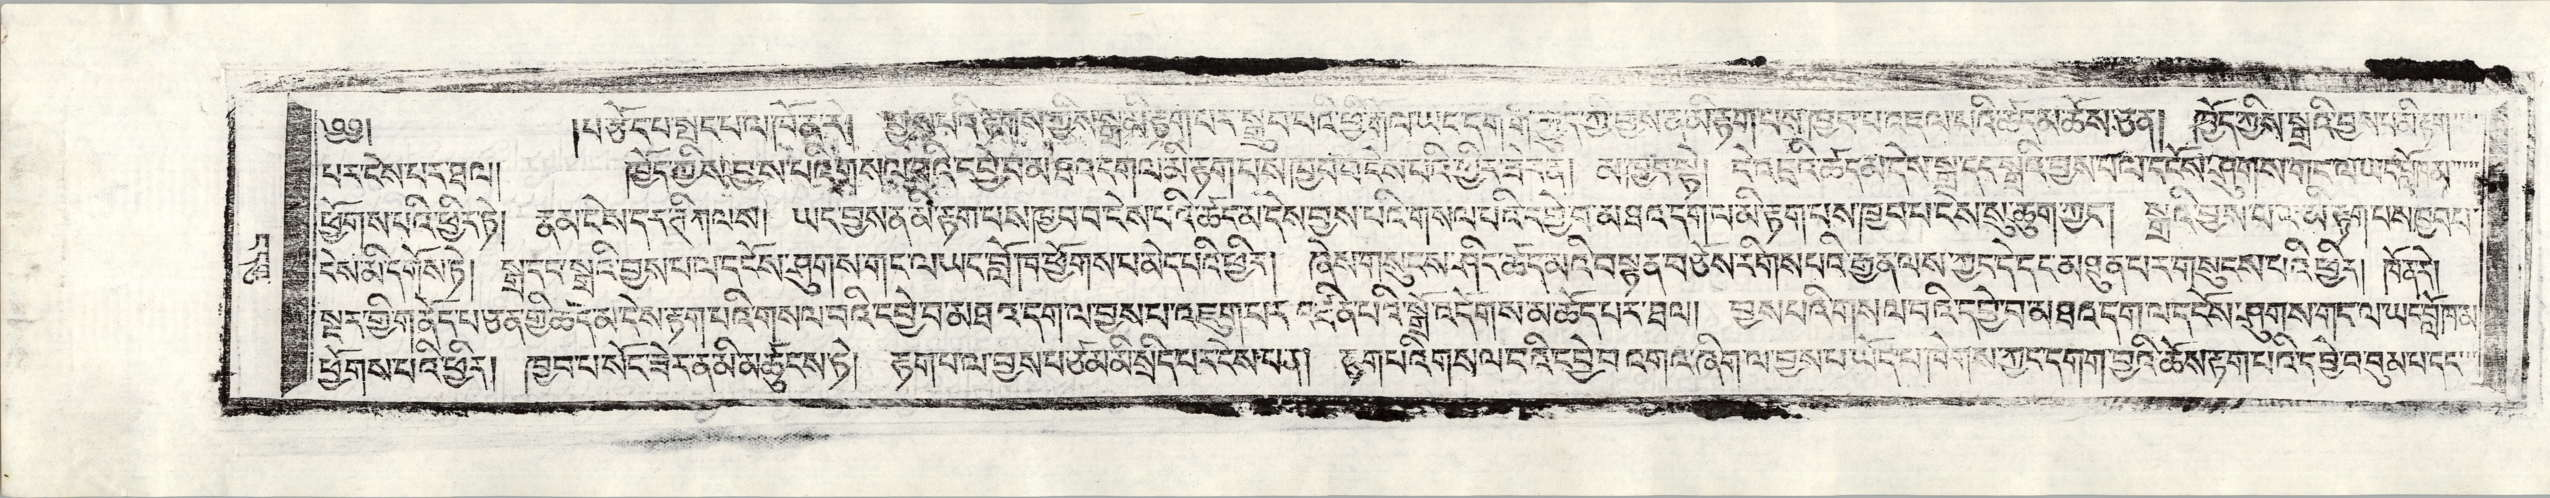༄༅། །པ་རྩོད་པ་སྤོང་པ་ལ་ཁོ་ན་རེ། བྱས་པའི་རྟགས་ཀྱིས་སྒྲ་མི་རྟག་པར་སྒྲུབ་པའི་ཕྱི་རྒོལ་ཡང་དག་གི་རྒྱུད་ཀྱི་བྱས་ན་མི་རྟག་པས་ཁྱབ་པ་འཇལ་བའི་ཚད་མ་ཆོས་ཅན། ཁྱོད་ཀྱིས་སྒྲའི་བྱས་པ་མི་རྟག་
པར་ངེས་པར་ཐལ། ཁྱོད་ཀྱིས་བྱས་པའི་གསལ་བའི་དབྱེ་བ་མཐའ་དག་ལ་མི་རྟག་པས་ཁྱབ་པ་ངེས་པའི་ཕྱིར་ཟེར་ན། མ་ཁྱབ་སྟེ། དེ་འདྲའི་ཚད་མ་དེས་སྒྲ་དང་སྒྲའི་བྱས་པ་ལ་དངོས་ཤུགས་གང་ལ་ཡང་བློ་ཁ་མ་
ཕྱོགས་པའི་ཕྱིར་ཏེ། རྣམ་ངེས་དར་ཊིཀ་ལས། ཡང་བྱས་ན་མི་རྟག་པས་ཁྱབ་པ་ངེས་པའི་ཚད་མ་དེས་བྱས་པའི་གསལ་བའི་དབྱེ་བ་མཐའ་དག་ལ་མི་རྟག་པས་ཁྱབ་པ་ངེས་སུ་ཆུག་ཀྱང་། སྒྲའི་བྱས་པ་ལ་མི་རྟག་པས་ཁྱབ་པ་
ངེས་མི་དགོས་ཏེ། སྒྲ་དང་སྒྲའི་བྱས་པ་ལ་དངོས་ཤུགས་གང་ལ་ཡང་བློ་ཁ་ཕྱོགས་པ་མེད་པའི་ཕྱིར། ཞེས་གསུངས་ཤིང་ཚད་མའི་བསྟན་བཅོས་རིགས་པའི་རྒྱན་ལས་ཀྱང་དེ་དང་མཐུན་པར་གསུངས་པའི་ཕྱིར། ཁོ་ན་རེ།
སྔར་གྱི་གནོད་པ་ཅན་གྱི་ཚད་མ་དེས་རྟག་པའི་གསལ་བའི་དབྱེ་བ་མཐའ་དག་ལ་བྱས་པ་འཇུག་པར་འཛིན་པའི་སྒྲོ་འདོགས་མ་ཆོད་པར་ཐལ། བྱས་པའི་གསལ་བའི་དབྱེ་བ་མཐའ་དག་ལ་དངོས་ཤུགས་གང་ལ་ཡང་བློ་ཁ་མ་
ཕྱོགས་པའི་ཕྱིར། ཁྱབ་པ་སོང་ཟེར་ན་མི་མཚུངས་ཏེ། རྟག་པ་ལ་བྱས་པ་ཙམ་མི་སྲིད་པར་ངེས་པ་ན། རྟག་པའི་གསལ་བའི་དབྱེ་བ་འགའ་ཞིག་ལ་བྱས་པ་ཡོད་པ་ཁེགས་ཀྱང་དགག་བྱའི་ཆོས་རྟག་པའི་དབྱེ་བ་བུམ་པ་དང་